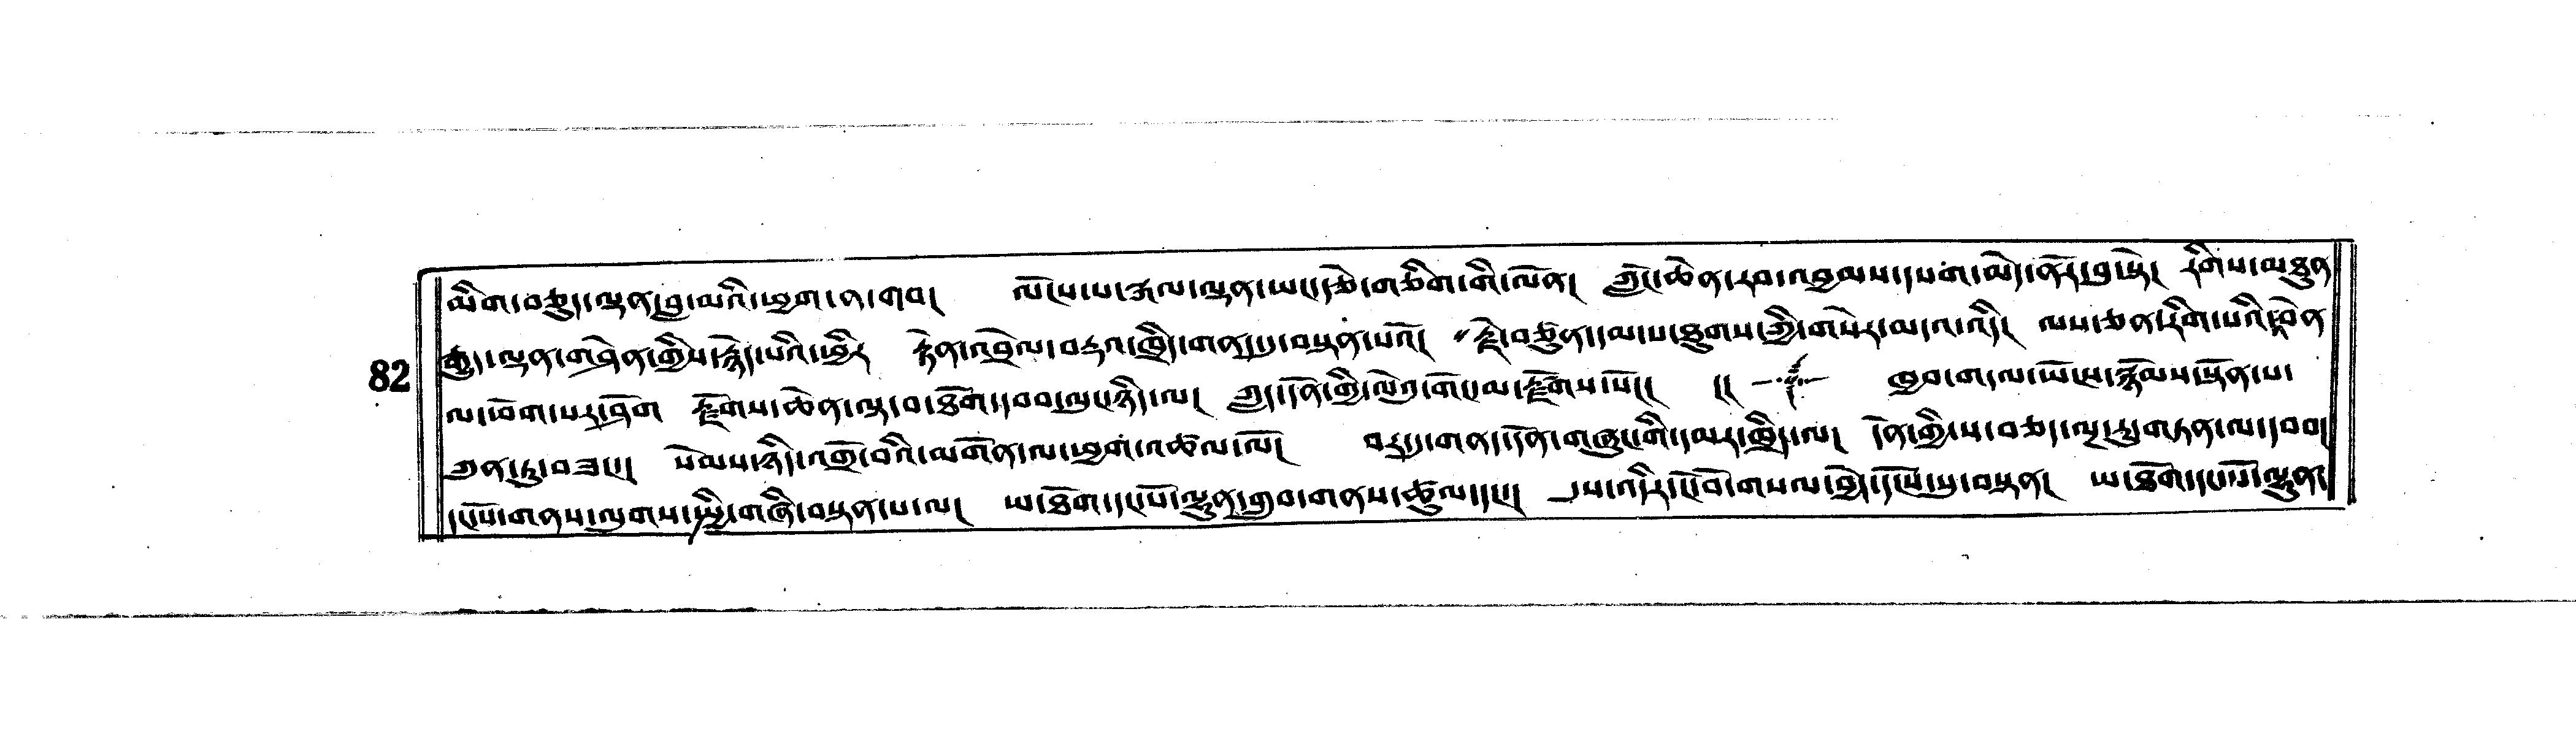མིག་བཅུད་ལྡན་བླ་མའི་ཕྱག་ན་གབ། ལོངས་པ་སྐལ་ལྡན་ཡོངས་རྩེ་ཅིག་གིས་ལོན། ཀློང་ཆེན་རབ་འབྱབས་དཔག་མེད་ནོར་བུ་སྟེ། རིགས་མཐུན་
རྒྱུད་ལྡན་གཤེན་གྱིས་རྙེད་པའི་ཕྱིར། རྟེན་འབྲེལ་བརྡ་ཁྲིད་གནད་དུ་བསྟན་པའོ། ༧ རྗེ་བཙུན་དམ་པ་ཐུགས་ཀྱི་གསེར་མདའ་འདི། ལས་ཅན་རིགས་པའི་འབེན་
ལ་ཕོག་པར་ཤོག རྫོགས་ཆེན་ལྟ་བ་ཐོག་དབབ་ལུང་ཉིད་ལ། ཀླད་དོན་གྱི་ལེའུ་རྫོགས་སོ།། ༧ ཁྱབ་བདལ་ཡོངས་སྙོམས་སྟོན་པ་
ཀུན་ཏུ་བཟང་། སེམས་ཉིད་འགྲོ་བའི་མགོན་ལ་ཕྱག་འཚལ་ལོ། བར་དུ་གནད་དོན་གཞུང་གི་དམར་ཁྲིད་ལ། དོན་གྱི་ས་བཅད་ལྔ་རུ་གཏན་ལ་དབབ། 
དང་པོ་གནས་ལུགས་སྤྱི་གཞི་བསྟན་པ་ལ། ཡ་ཐོག་དང་པོ་ལྷུན་གྲུབ་གནས་ཚུལ་དང་། དུས་འདིར་ངོ་བོ་གསལ་བྱེད་དངོས་སུ་བསྟན། ཡ་ཐོག་དང་པོ་ལྷུན་